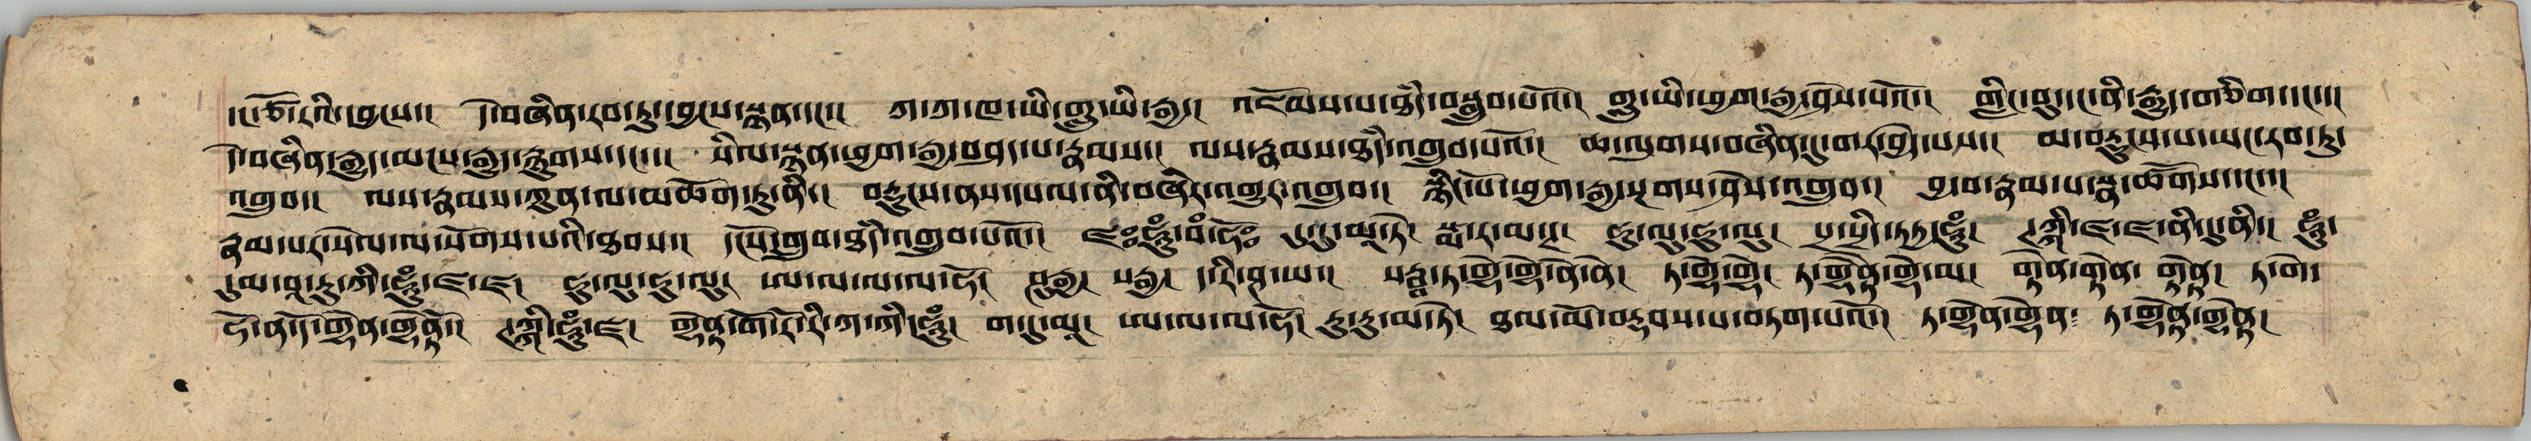་།་ཙོ་རའི་དབྱངས་། དེ་བཞིན་རབ་ཏུ་དབྱངས་སྙན་དང་་། ཀ་ཀ་ཁ་ཡི་གླུ་ཡི་རྒྱ་། འཇོམས་པ་ཐཾད་བསྒྲུབ་པའོ་། གླུ་ཡི་ཕྱག་རྒྱ་ཤེས་པའོ་། གླིང་བུ་དང་ནི་རྒྱུད་གཅིག་དང་་།
དེ་བཞིན་རྒྱུད་མངས་རྒྱུད་སྙུགས་དང་་། སིལསྙན་ཕྱག་རྒྱ་བཤད་པ་རྣམས་། ལས་རྣམས་ཐཾད་འགྲུབ་པའོ་། ཆ་ལུགས་བཞིན་དུ་གར་བྱེད་པས་། མ་བརྡུངས་པ་ཡང་རབ་ཏུ་
འགྲུབ་། ལས་རྣམས་ཀུན་ལ་མཆོག་ཏུ་ནི་། བརྡུངས་ནས་དཔལ་ནི་བཞིར་འགྱུར་འགྲུབ་། སྙིང་པོ་ཕྱག་རྒྱ་སྔགས་ཤེས་འགྲུབ་། བྱ་བ་རྣམ་པ་སྣ་ཚོགས་དང་་།
རྣམ་པར་སེལ་ལ་སོགས་པའི་ཐབས་། དངོས་གྲུབ་ཐཾད་འགྲུབ་པའོ་། ཛཾཿཧཱུཾ་བཾ་ཧོཿ དུ་དུ་མཱ་ཏེ་ སྨ་ར་མ་ཊ་ ཧུ་ལུ་ཧུ་ལུ། པྲ་སྲིད་ཏཏྱ་ཧཱུཾ། ཊཀྐི་ཛ་ཛ་ནི་དུ་ནི་། ཧཱུཾ་
དུམ་བཱ་རུ་ཀི་ཧཱུཾ་ཛ་ཛ། ཧུ་ལུ་ཧུ་ལུ། ཨ་ལ་ལ་ལ་ཧོ། ཤུརྒྱ། སརྒྱ། ད་རི་ཤ་ཡ་། སརྦྦ་ཏ་གྷེ་གྷེ་ནེ་ནེ། ཏ་གྷེ་གྷེ། ཏ་གྷེནྟེ་གྷེ་མ། གྟེན་གྟེན་ གྟེནྟ། ཏ་གེ་
ཧོ་ན་དོ་གྷེན་གྷེནྟོ་། ཊཀྐི་ཧཱུཾ་ཛ། གྷེནྟ་གོ་རོ་རི་ཀ་ཀི་ཧཱུཾ། ག་དུ་མཱ། ཨ་ལ་ལ་ཧོ། རུ་རུ་མ་ཏེ་། ཐལ་མོ་བརྡབས་པ་བཏག་པའོ་། ཏ་གྷེན་གྷེན༴ ཏ་གྷེནྟ་གྷེནྟ།